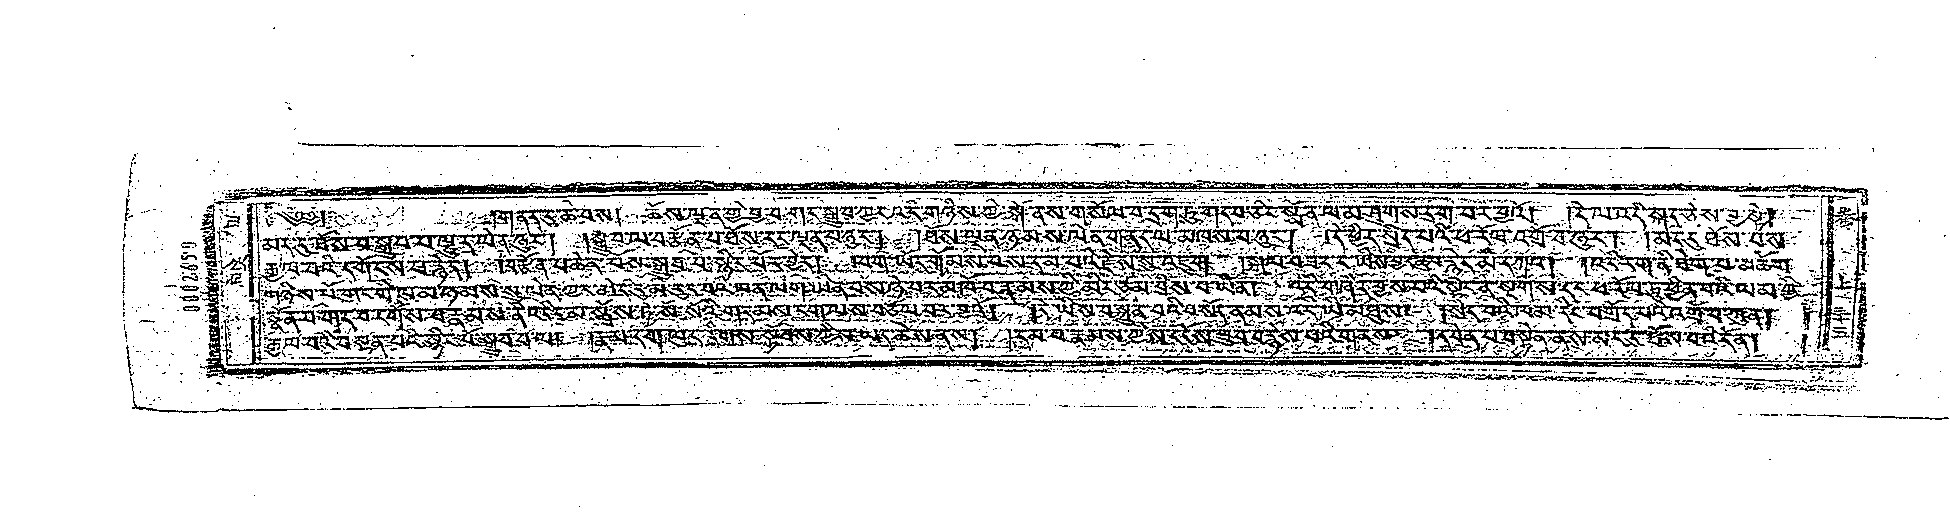༄༅། །གནད་དུ་ཆེ་བས། ཆོས་ལྡན་གྱི་བྱ་བ་གང་སྒྲུབ་ཀྱང་འདི་གཉིས་ཀྱི་སྒོ་ནས་གསོལ་བ་དྲག་ཏུ་གདབ་ཅིང་སྨོན་ལམ་ཤུགས་དྲག་པར་བྱའོ། །དེ་ལ་འདི་སྐད་ཅེས་བྱ་སྟེ།
མར་དུ་ཐོས་པ་སྒྲུབ་པ་ལྷུར་ལེན་ཉུང་། །སྒྲུབ་ལ་བརྩོན་པ་ཐོས་དང་ལྡན་པ་ཉུང་། །ཐོས་ལྡན་ཉམས་ལེན་གནད་ལ་མཁས་པ་ཉུང་། །དེ་ཕྱིར་སྲིད་པའི་ཕ་རོལ་འགྲོ་བ་ཉུང་། །མང་དུ་ཐོས་པས་
རྒྱལ་བའི་དགོངས་པ་རྙེད། །བརྩོན་པ་ཆེན་པོས་སྒྲུབ་པ་སྙིང་པོར་བྱེད། །བག་ཡོད་གོམས་པས་དམ་པའི་རྗེས་སུ་འཇུག །སྐལ་བཟང་ང་ཡིས་བྱང་ཆུབ་རྙེད་མི་དཀའ། །འདི་རག་ནི་ཐེག་བ་མཆོག་
གཉིས་པོ་གང་གི་ལམ་ཉམས་སུ་ལེན་ཀྱང་མེད་དུ་མི་རུང་བའི་ཡན་ལག་ཡིན་པས་ཉེ་བར་མཁོ་བ་རྣམས་ཀྱི་མིང་ཙམ་བྲིས་པ་ཡིན། འདི་གཞིར་བྱས་པའི་སྟེང་ན་སྔགས་དང་ཕ་རོལ་ཏུ་ཕྱིན་པའི་ལམ་གྱི་
སྣོན་པ་གདབ་དགོས་པ་རྣམས་ནི་འདིར་མ་སྤྲོས་ཏེ་སོ་སོའི་གདམས་ངག་ལས་བཙལ་བར་བྱའོ། །དེ་ཡིས་བསྐྲུན་པའི་བསོད་ནམས་འདི་ཡི་མཐུས། །སྲིད་པའི་ལམ་རིང་བགྲོད་པའི་འགྲོ་བ་ཀུན། །
རྒྱལ་བའི་བསྟན་པའི་སྙིང་པོ་སྒྲུབ་པ་ལ། །རྣམ་དག་ལུང་རིགས་སྟོབས་ཀྱིས་ཡིད་ཆེས་ནས། །དམ་བ་རྣམས་ཀྱིས་དངོས་གྲུབ་བརྙེས་པའི་གནས། །དཔེན་པ་བསྟེན་ནས་མང་དུ་ཐོས་པའི་དོན། །